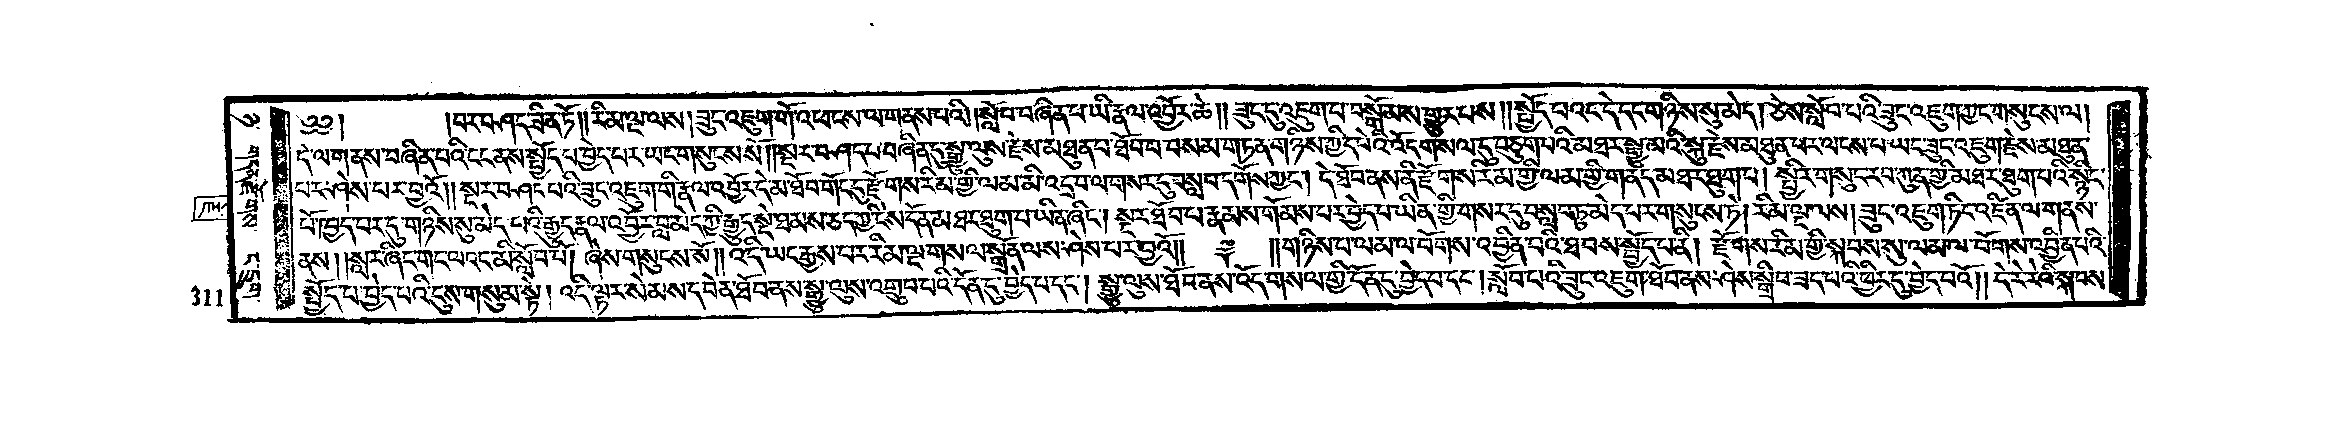༄༅། །བར་བཤད་ཟིན་ཏོ། །རིམ་ལྔ་ལས། ཟུང་འཇུག་གོ་འཕངས་ལ་གནས་པའི། །སློབ་བཞིན་པ་ཡི་རྣལ་འབྱོར་ཆེ། །ཟུང་དུ་འཇུག་པ་བསྒོམས་གྱུར་པས། །སྤྱོད་པའང་དེ་དང་གཉིས་སུ་མེད། ཅེས་སློབ་པའི་ཟུང་འཇུག་ཀྱང་གསུངས་ལ།
དེ་ལ་གནས་བཞིན་པའི་ངང་ནས་སྤྱོད་པ་བྱེད་པར་ཡང་གསུངས་སོ། །སྔར་བཤད་པ་བཞིན་དུ་སྒྱུ་ལུས་རྗེས་མཐུན་པ་ཐོབ་པ་བསམ་གཏན་གཉིས་ཀྱི་དཔེའི་འོད་གསལ་དུ་བཅུག་པའི་མཐར་སྒྱུ་མའི་སྐུ་རྗེས་མཐུན་པར་ལངས་པ་ཡང་ཟུང་འཇུག་རྗེས་མཐུན་
པར་ཤེས་པར་བྱའོ། །སྔར་བཤད་པའི་ཟུང་འཇུག་གི་རྣལ་འབྱོར་དེ་མ་ཐོབ་གོང་དུ་རྫོགས་རིམ་གྱི་ལམ་མི་འདྲ་བ་ལ་གསར་དུ་བསླབ་དགོས་ཀྱང་། དེ་ཐོབ་ནས་ནི་རྫོགས་རིམ་གྱི་ལམ་གྱི་གནད་མཐར་ཐུག་པ། སྤྱིར་གསུང་རབ་ཀུན་གྱི་མཐར་ཐུག་པའི་སྙིང་
པོ་ཁྱད་པར་དུ་གཉིས་སུ་མེད་པའི་རྒྱུད་རྣལ་འབྱོར་བླ་མེད་ཀྱི་རྒྱུད་སྡེ་ཐམས་ཅད་ཀྱི་ངེས་དོན་མཐར་ཐུག་པ་ཡིན་ཞིང་། སྔར་ཐོབ་པ་རྣམས་གོམས་པར་བྱེད་པ་ཡིན་གྱི་གསར་དུ་བསླབ་ཏུ་མེད་པར་གསུངས་ཏེ། རིམ་ལྔ་ལས། ཟུང་འཇུག་ཏིང་འཛིན་ལ་གནས་
ནས། །སླར་ཞིང་གང་ལའང་མི་སློབ་བོ། ཞེས་གསུངས་སོ། །འདི་ཡང་རྒྱས་པར་རིམ་ལྔ་གསལ་སྒྲོན་ལས་ཤེས་པར་བྱའོ།། ༈ །།གཉིས་པ་ལམ་ལ་བོགས་འབྱིན་པའི་ཐབས་སྤྱོད་པ་ནི། རྫོགས་རིམ་གྱི་སྐབས་སུ་ལམ་ལ་བོགས་འབྱིན་པའི་
སྤྱོད་པ་བྱེད་པའི་དུས་གསུམ་སྟེ། འདི་ལྟར་སེམས་དབེན་ཐོབ་ནས་སྒྱུ་ལུས་འགྲུབ་པའི་དོན་དུ་བྱེད་པ་དང་། སྒྱུ་ལུས་ཐོབ་ནས་འོད་གསལ་གྱི་དོན་དུ་བྱེད་པ་དང་། སློབ་པའི་ཟུང་འཇུག་ཐོབ་ནས་ཤེས་སྒྲིབ་ཟད་པའི་ཕྱིར་དུ་བྱེད་པའོ། །དེ་རེ་རེའི་སྐབས་